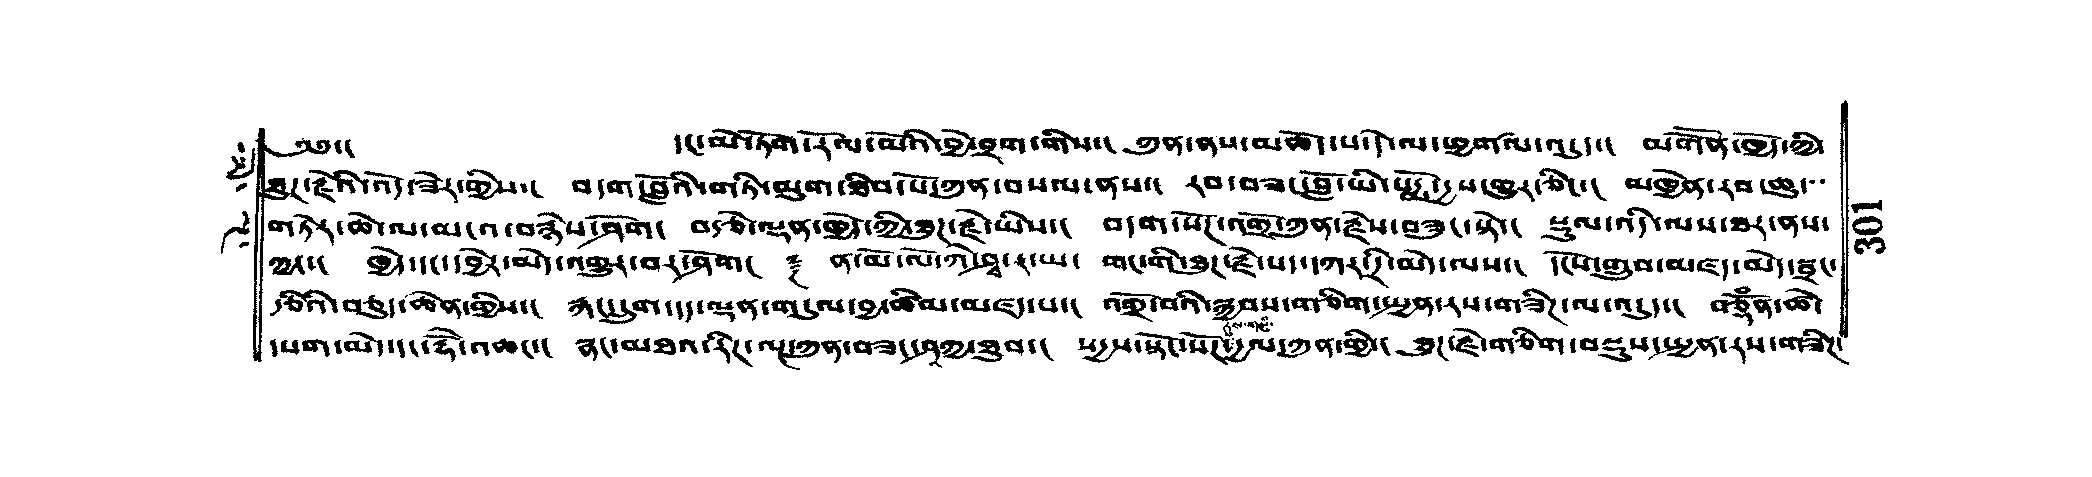དང་མེ་ཏོག་རོལ་མོའི་བྱེ་བྲག་གིས། །ཀུན་ནས་མཆོད་པ་དེ་ལ་ཕྱག་འཚལ་འདུད། །མགོན་པོ་ཁྱེད་ཀྱི་
ཐུགས་རྗེའི་འོད་ཟེར་གྱིས། །བདག་བློའི་གཏི་མུག་ཐིབས་པོ་ཀུན་བསལ་ནས། །རབ་བཟང་བློ་ཡི་པདྨོ་རྒྱས་གྱུར་ཅིང་། །མཁྱེན་རབ་ཆུ་
གཏེར་ཆེ་ལ་མངའ་བརྙེས་ཤོག།བརྩེ་ལྡན་ཁྱེད་ཀྱི་ཐུགས་རྗེ་ཡིས། །བདག་སོགས་འགྲོ་ཀུན་རྗེས་བཟུང་སྟེ། །སྡུག་བསྔལ་འདི་ལས་ཐར་ནས་
ཀྱང་། །ཁྱེད་དང་དབྱེར་མེད་འགྱུར་བར་ཤོག ༈ ན་མོ་ལོ་ཀི་ཤྭ་ར་ཡ། གང་གི་ཐུགས་རྗེ་པད་དཀར་དྲི་མེད་ལས། །དངོས་གྲུབ་མཛད་མེད་སྦྲང་
རྩའི་བཅུད་ཆེན་གྱིས། །རྐང་དྲུག་དད་ལྡན་གདུལ་བྱ་ཚིམ་མཛད་པ། །འགྲོ་བའི་སྐྱབས་གཅིག་སྤྱན་རས་གཟིགས་ལ་འདུད། །བཅོམ་ལྡན་ཚེ་
དཔག་མེད་དང་རྡོ་རྗེ་འཆང་། །སྣང་མཐའ་རིགས་ལྔ་ཀུན་བཟང་ཤཱཀྱ་ཐུབ། །སངས་རྒྱས་སྟོང་སོགས་དུས་གསུམ་རྒྱལ་ཀུན་གྱི། །ཐུགས་རྗེ་གཅིག་བསྡུས་སྤྱན་རས་གཟིགས་